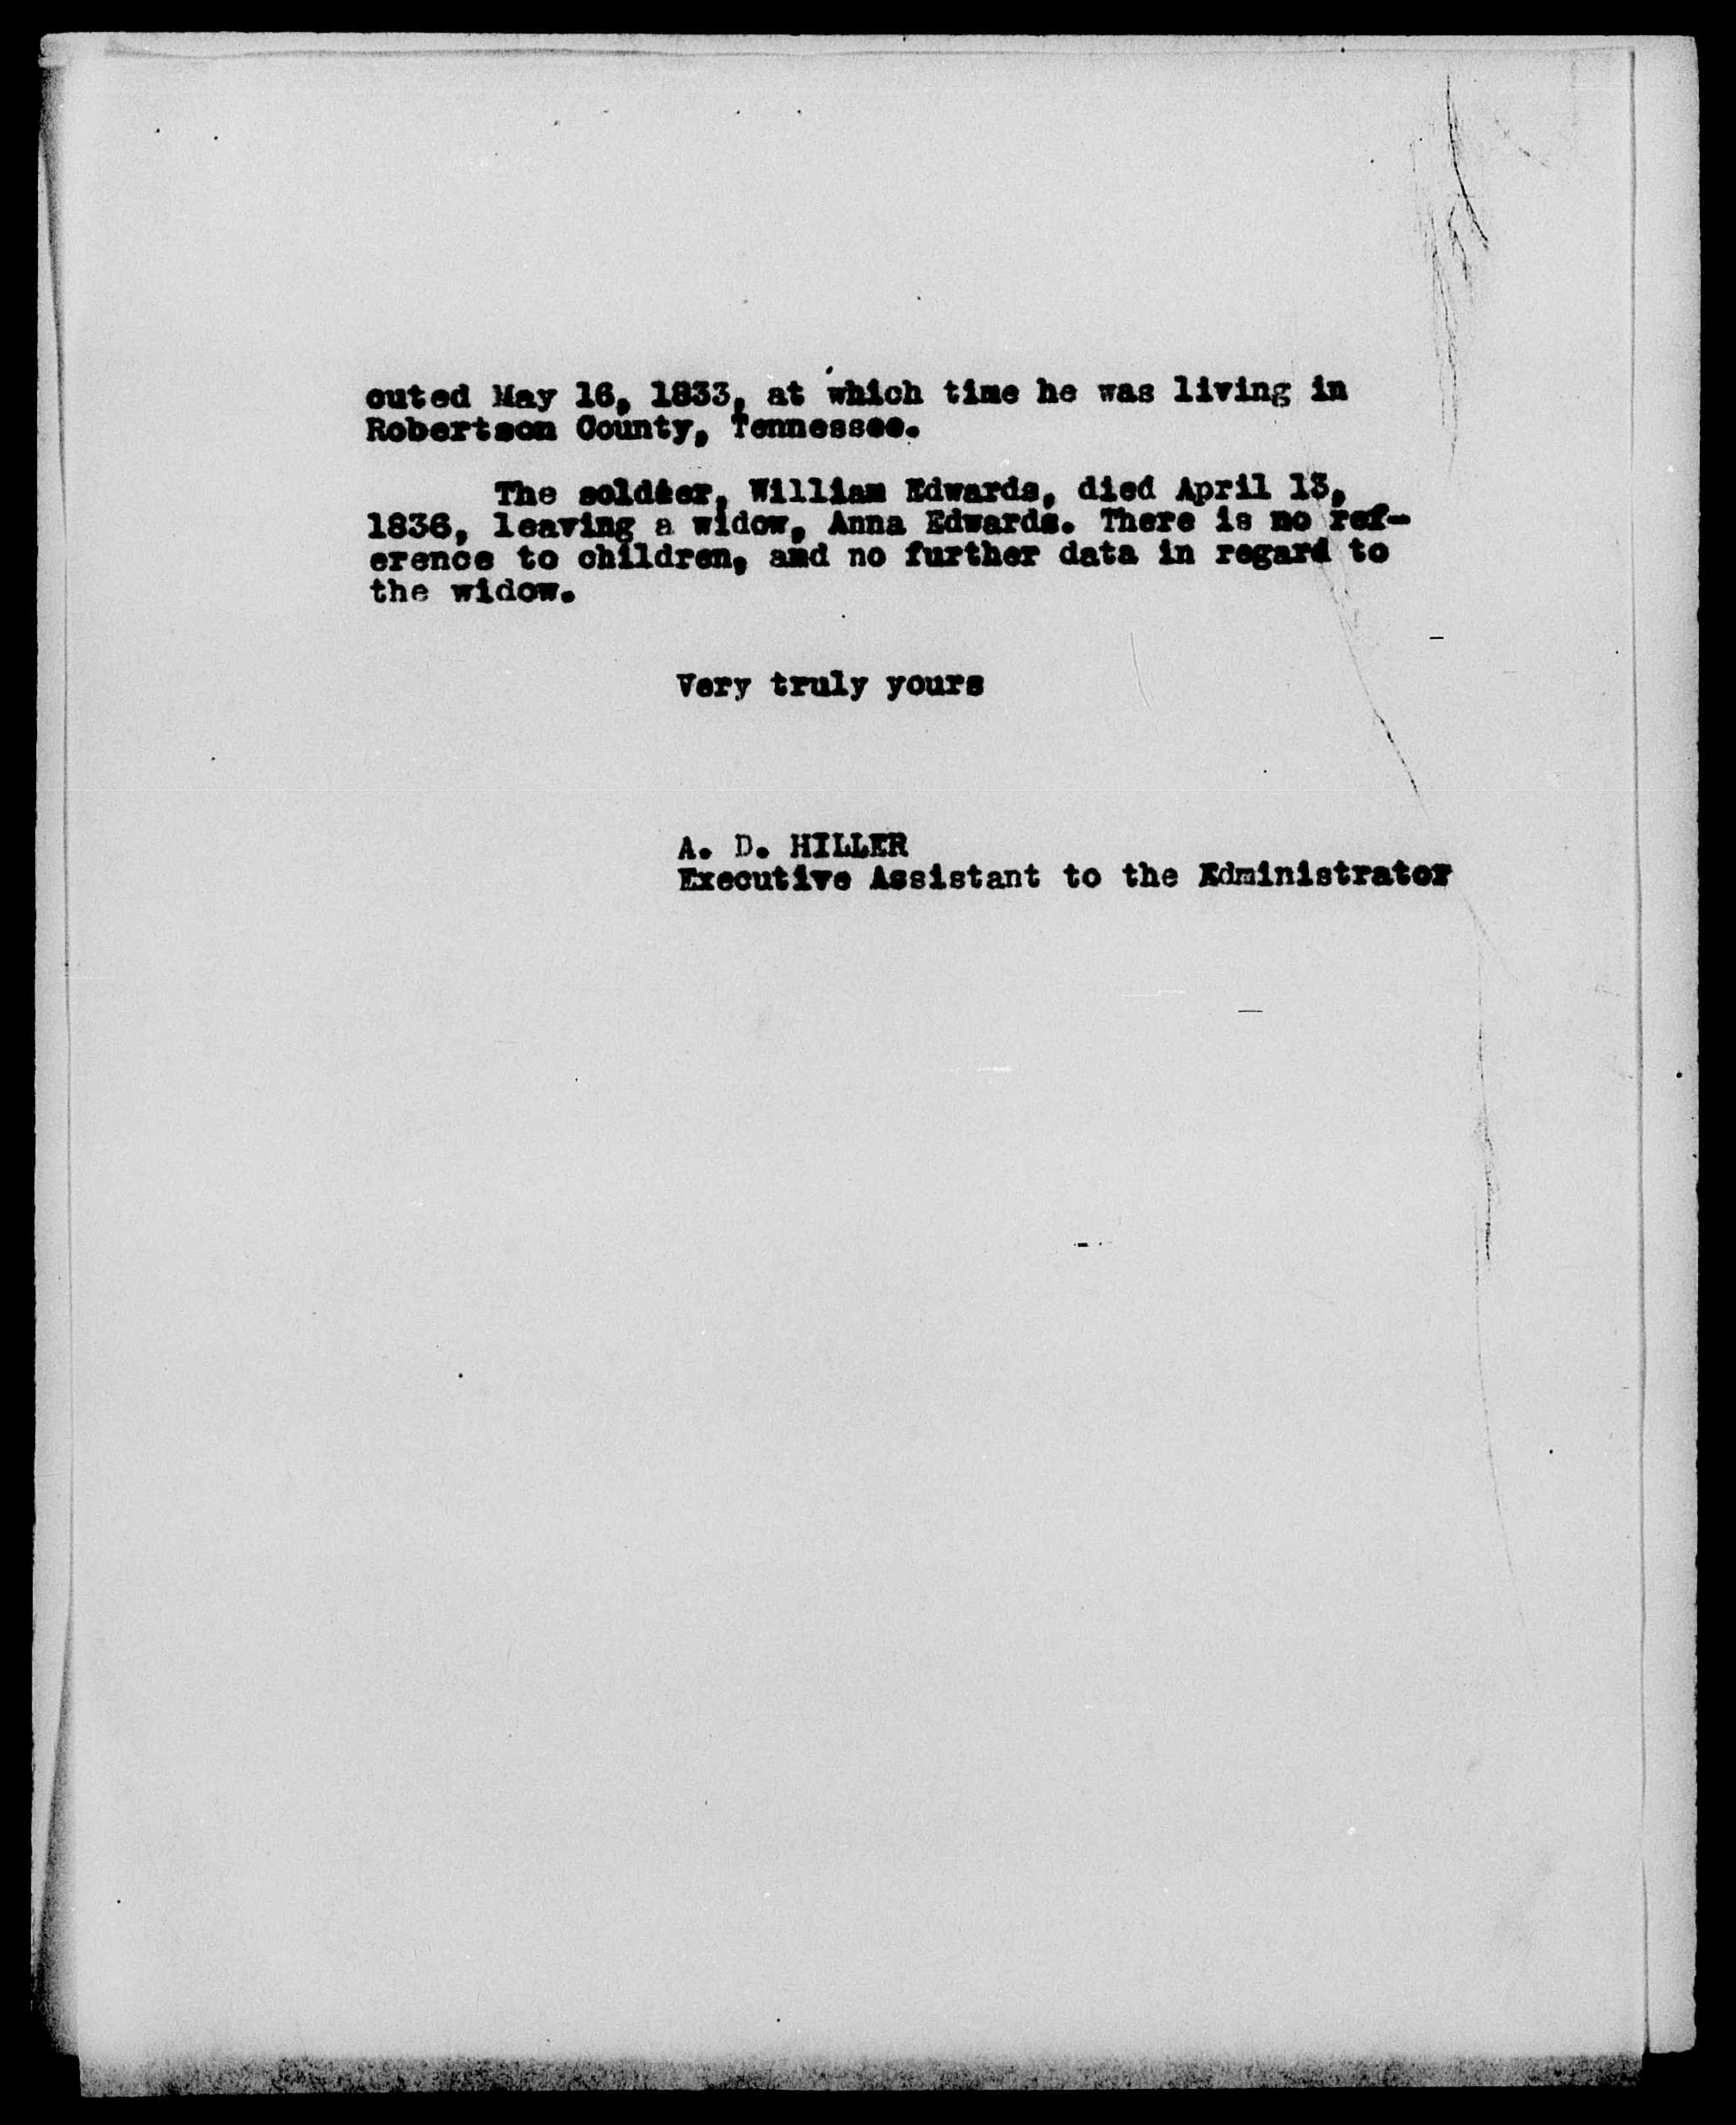cuted May 16, 1833, at which time he was living in Robertson County, Tennessee.

This soldier, William Edwards, died April 13, 1836, leaving a widow, Anna Edwards. There is no reference to children, and no further data relative to the widow.

Very truly yours

A. D. HILLER
Executive Assistant to the Administrator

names: A D Hiller, William Edwards, Anna Edwards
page: 29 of 47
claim: survivor's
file: S. 3,322, William Edwards, Va.